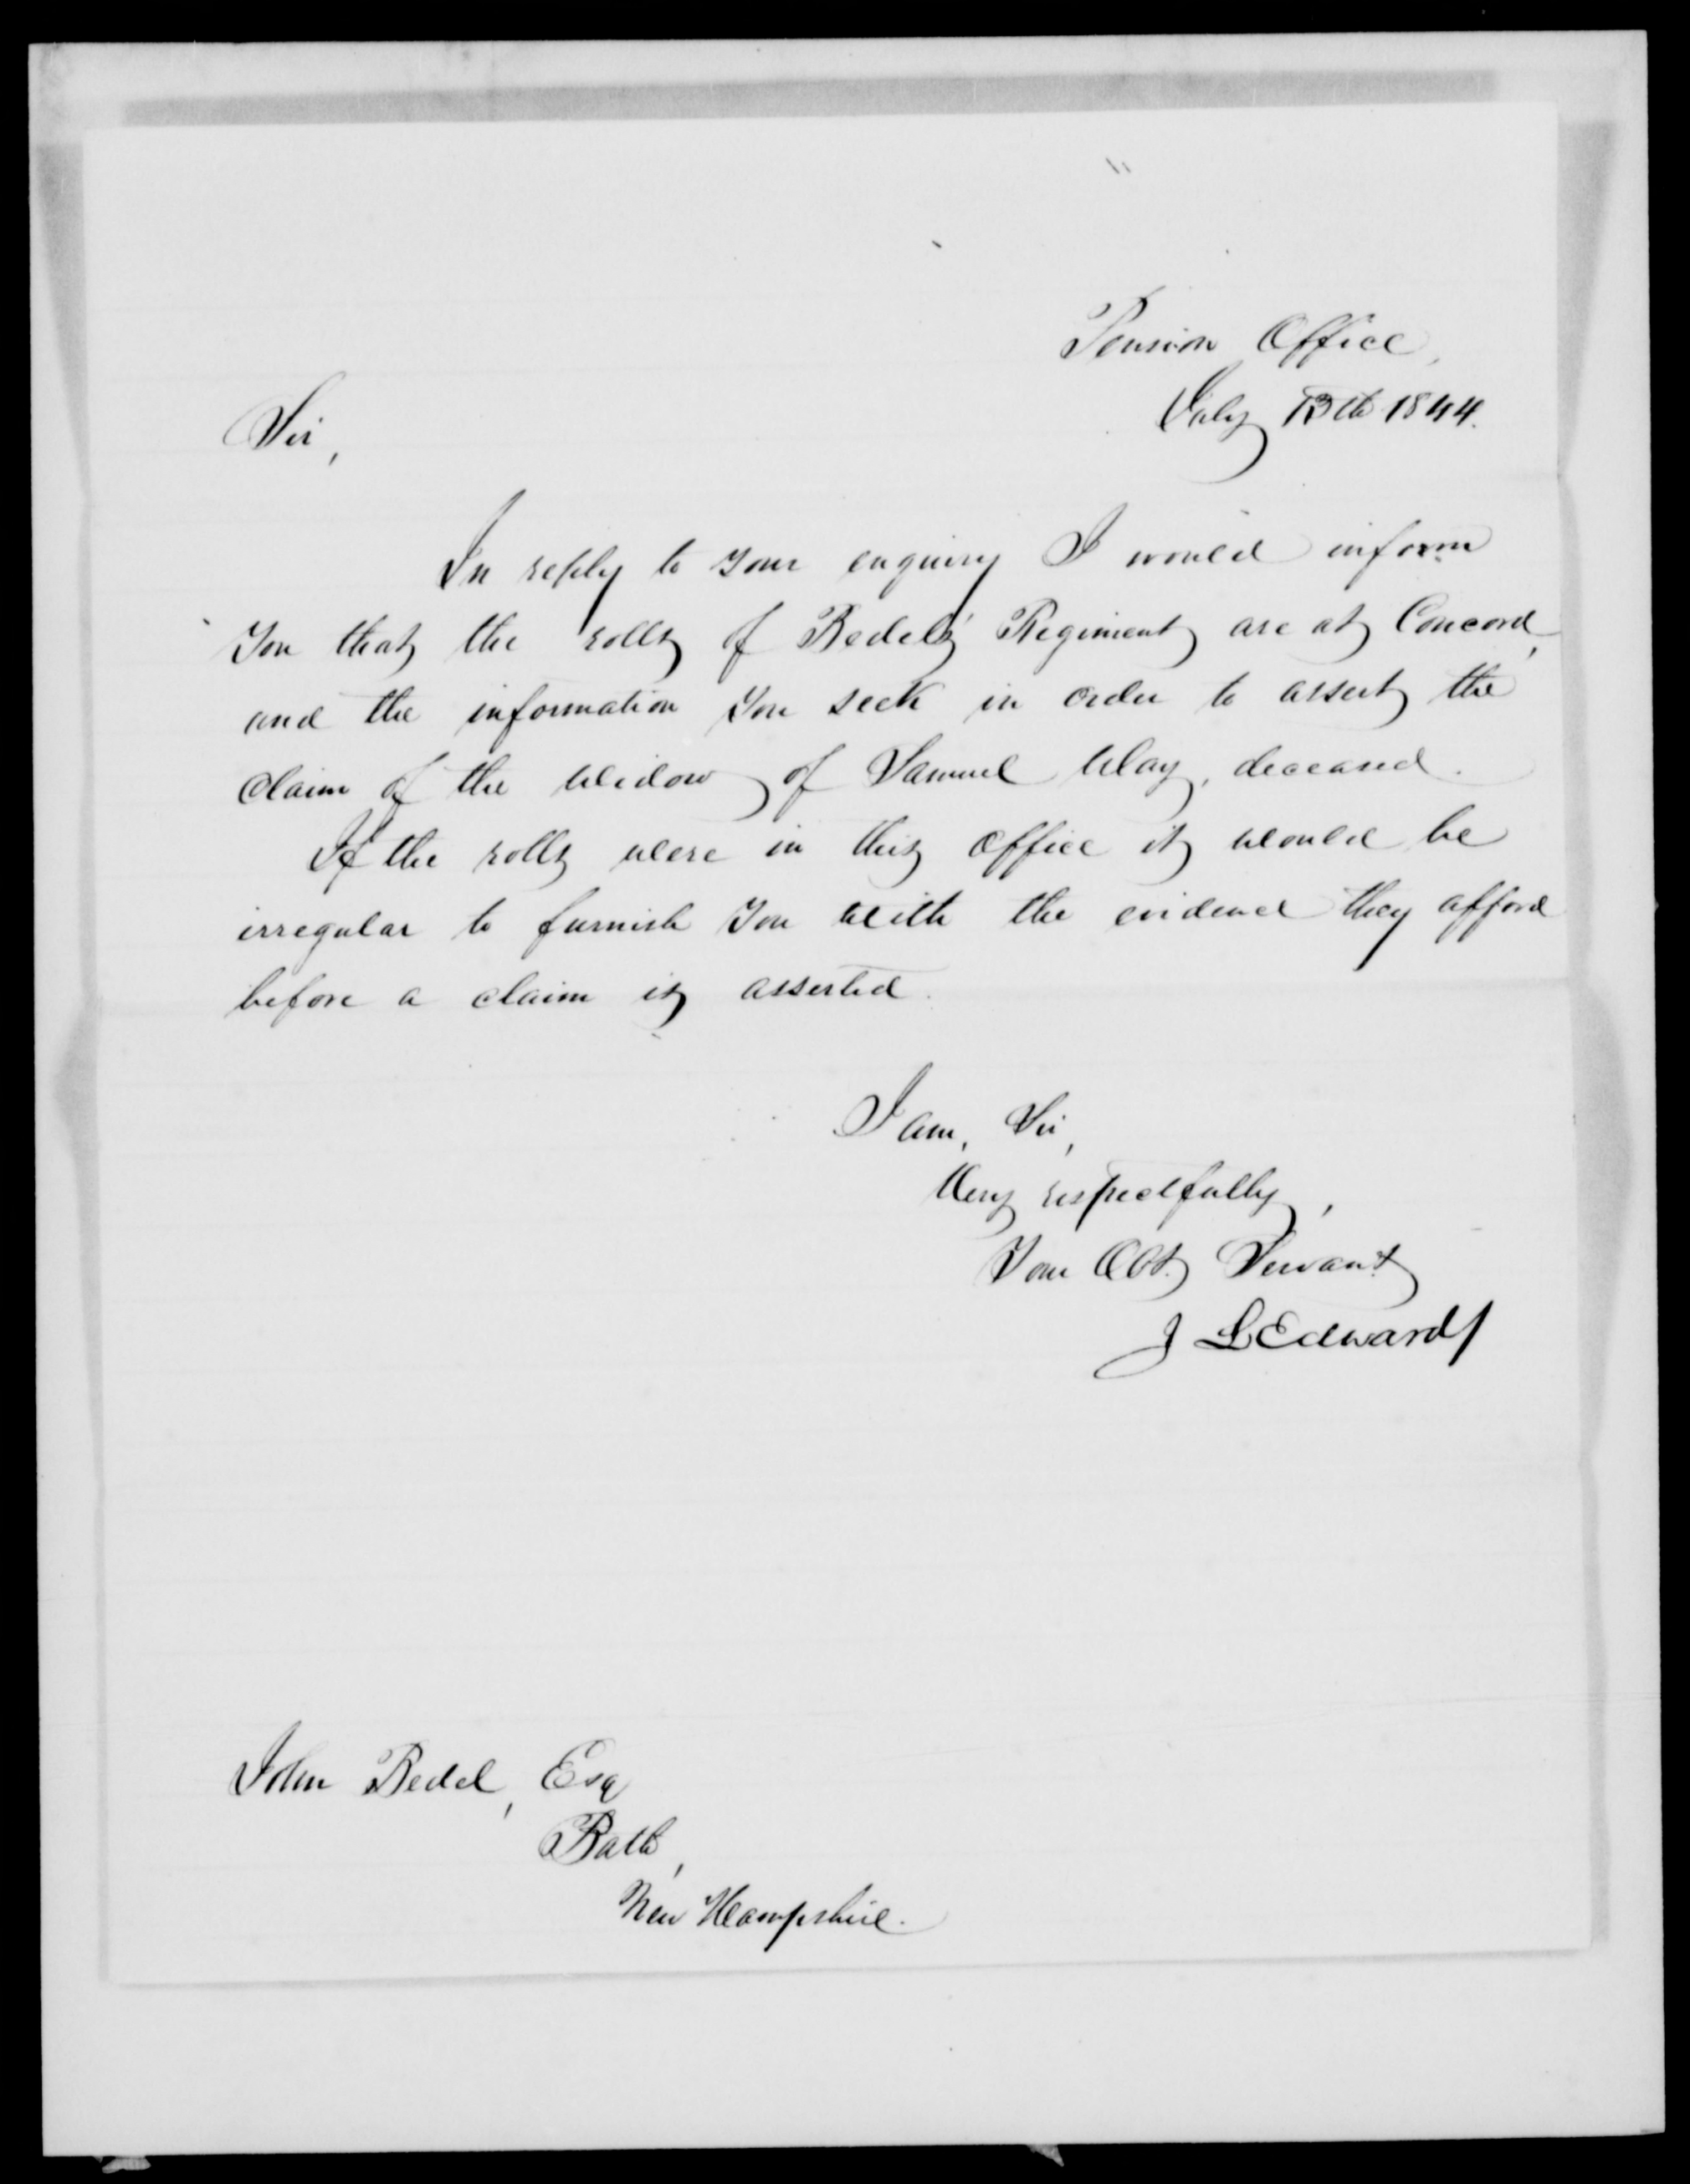Pension Office
July 13th 1844.
Sir,
In reply to your enquiry I would inform
you that the rolls of Bedels Regiment are at Concord
and the information you seek in order to assert the
claim of the widow of Samuel Way, deceased.
If the rolls were in this Office it would be
irregular to furnish you with the evidence they afford before a claim is asserted
I am, Sir,
Very respectfully
You Obt. Servant
J L Edward
John Bedel, Esq
Bath
New Hampshire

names: John Bedel, J L Edwards, Samuel Way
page: 26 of 78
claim: widow's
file: W. 25856, Samuel Way, N.H.